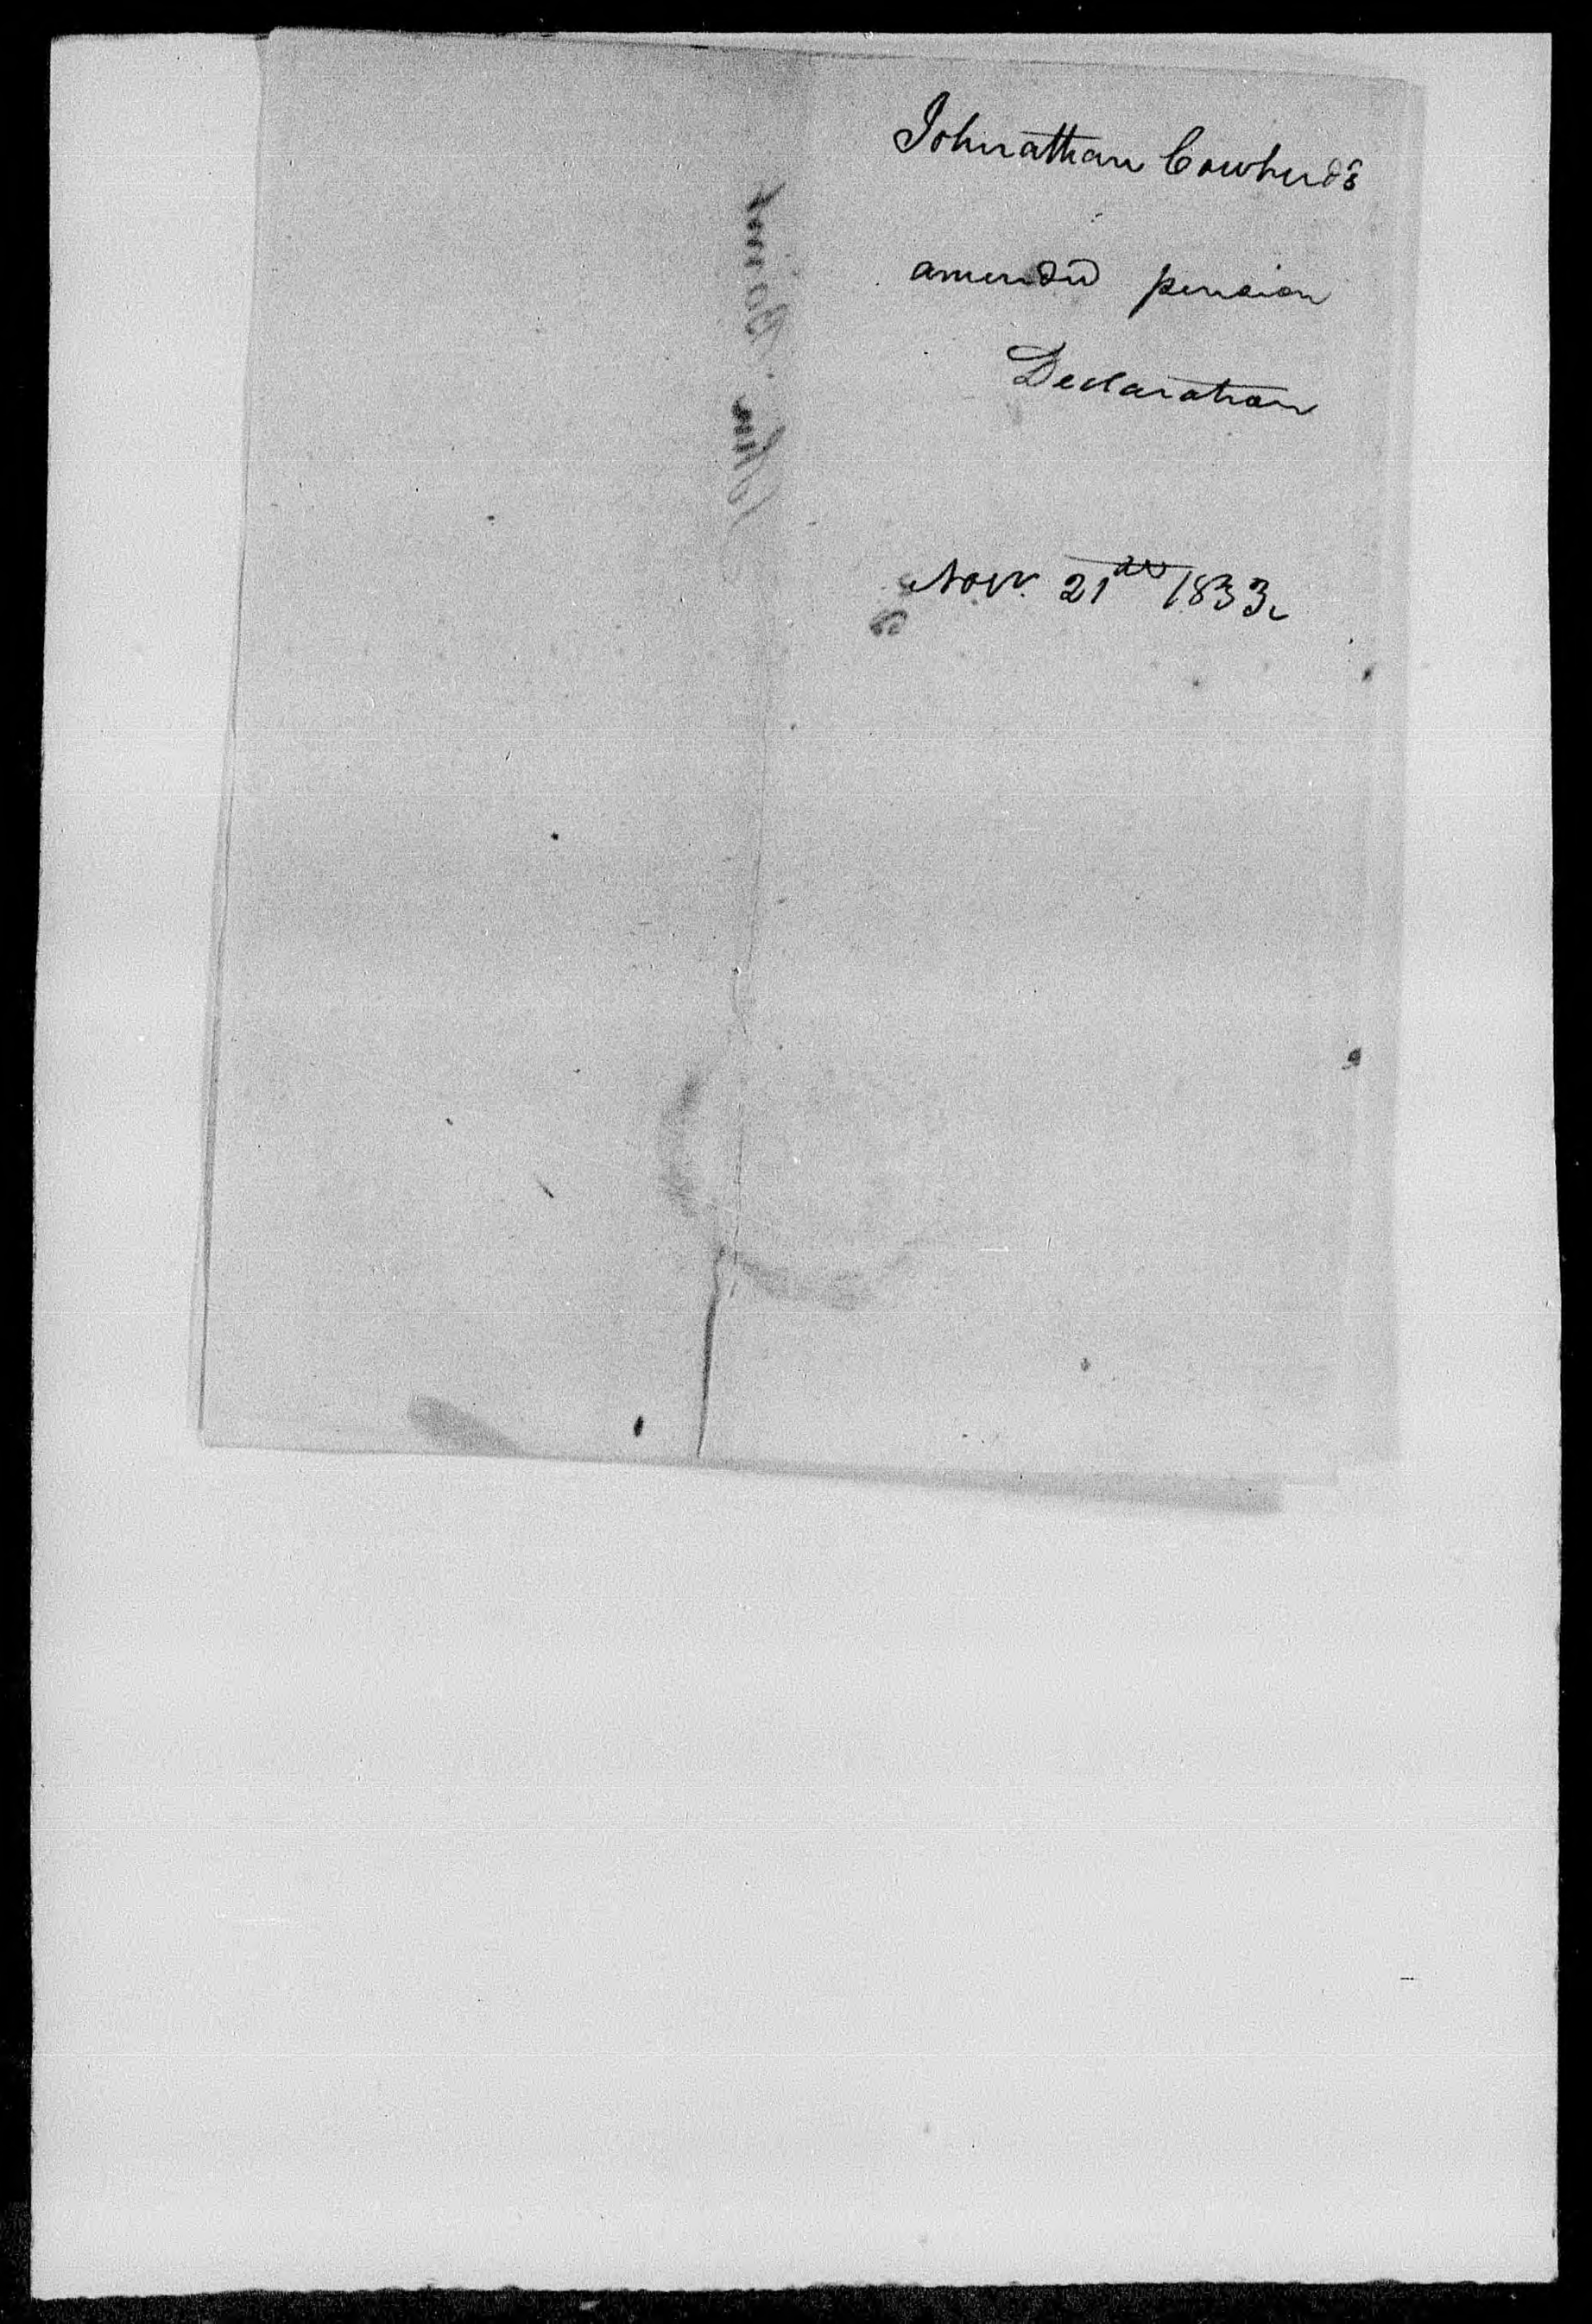Johnathan Cowherd's
Amended pension
Declaration
Nov. 21st, 1833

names: Jonathan Cowherd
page: 28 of 46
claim: widow's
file: W 8619, Jonathan Cowherd, Va.